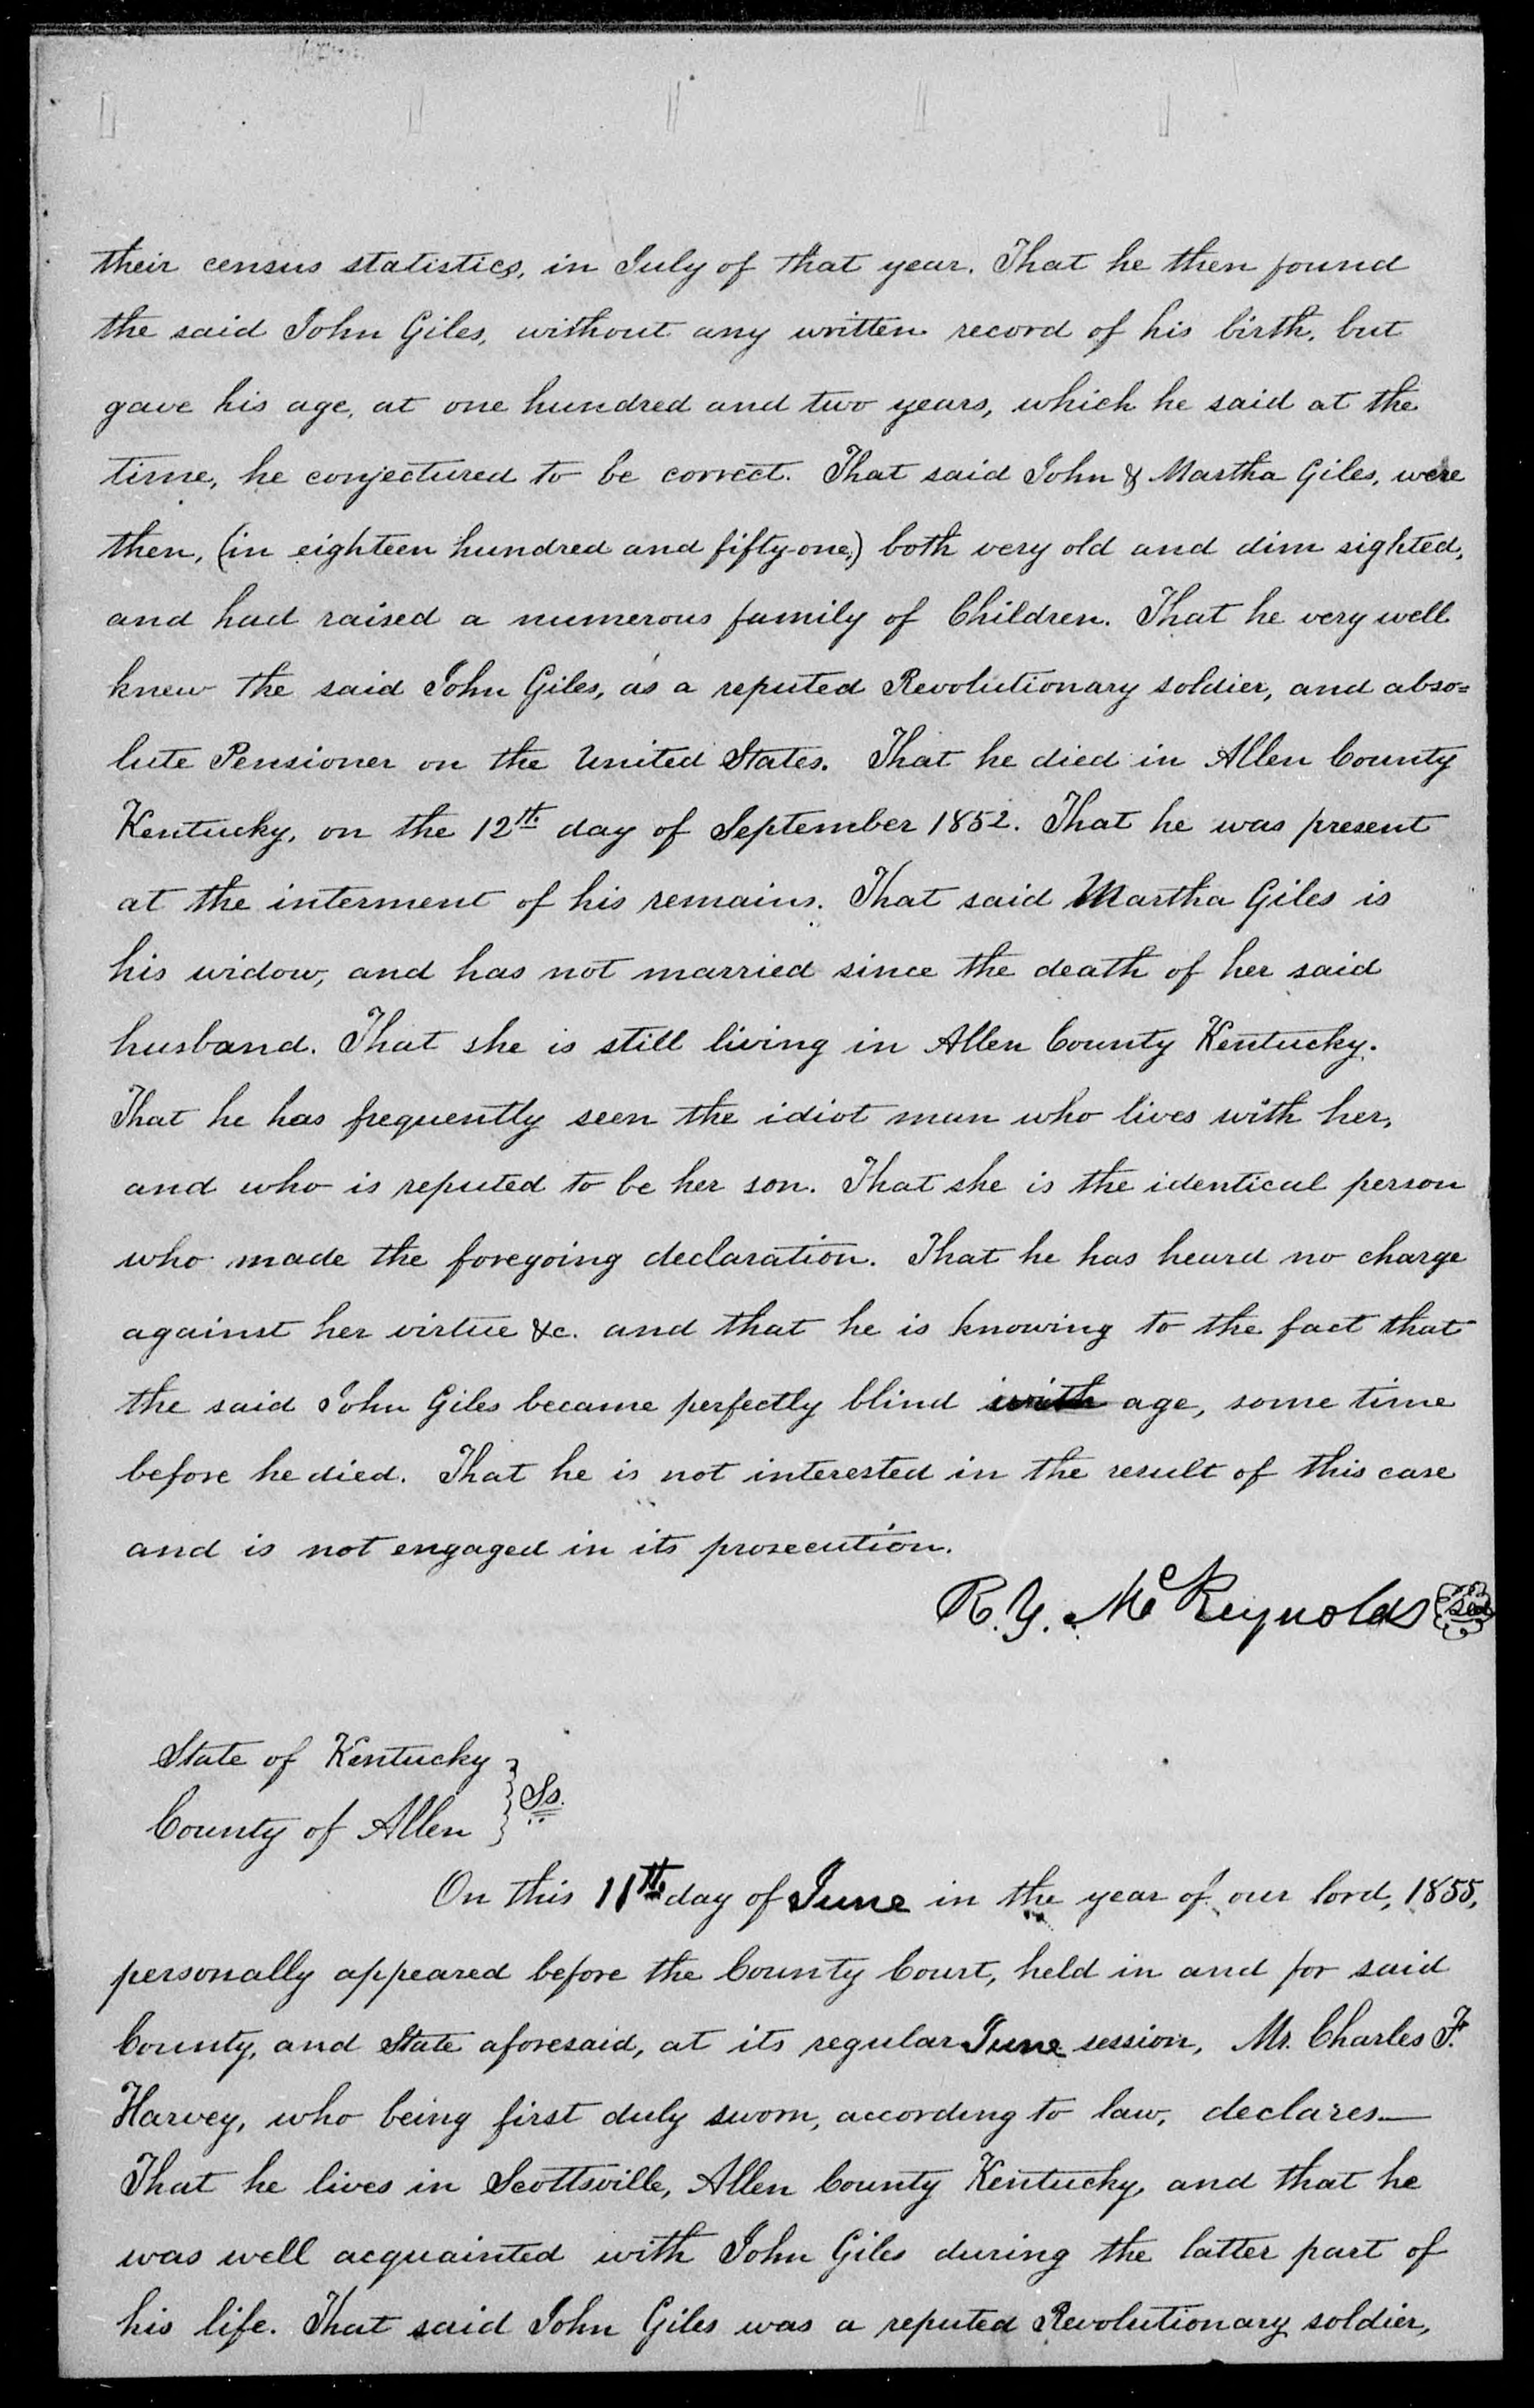their census statistics, in July of that year. That he then found the said John Giles, without any written record of his birth, but gave his age at one hundred and two years, which he said at the time, he conjectured to be correct. That said John and Martha Giles, were then, (in eighteen hundred and fifty one) both very old and dim sighted, and had raised a numerous family of children. That he very well knew the said John Giles, as a reputed Revolutionary solider, and also late pensioner on the United States. That he died in Allen County Kentucky, on the 12th day of September 1852. That he was present at the interment of his remains. That said Martha Giles is his widow, and has not married since the death of her said husband. That she is still living in Allen County Kentucky. That he has frequently seen the idiot man who lives with her, and who is reputed to be her son. That she is the identical person who made the foregoing declaration. That he has heard no charge against her virtue and that he is knowing to the fact that the said John Gilees became perfectly blind age, sometime before he died. That he is not interested in the result of this case and is not engaged in its prosecution.

R Y McReynolds

State of Kentucky } Ss.
County of Allen }

On this 11th day of Jun in the year of our lord, 1855, personally appeared before the County Court, held in and for said County and State aforesaid, at its regular June session, Mr. Charles F. Harvey, who being first duly sworn, according to law, declares that he lives in Scottsville, Allen County Kentucky, and that he was well acquainted with John Giles during the latter part of his life. That said John Giles was a reputed Revolutionary soldier,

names: John Giles, John Giles, John Giles, Martha Giles, John Giles, John Giles, Charles F Harvey, John Giles, Martha Giles, R Y Mc Reynolds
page: 28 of 82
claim: widow's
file: W. 7,522, John Giles, N.C.